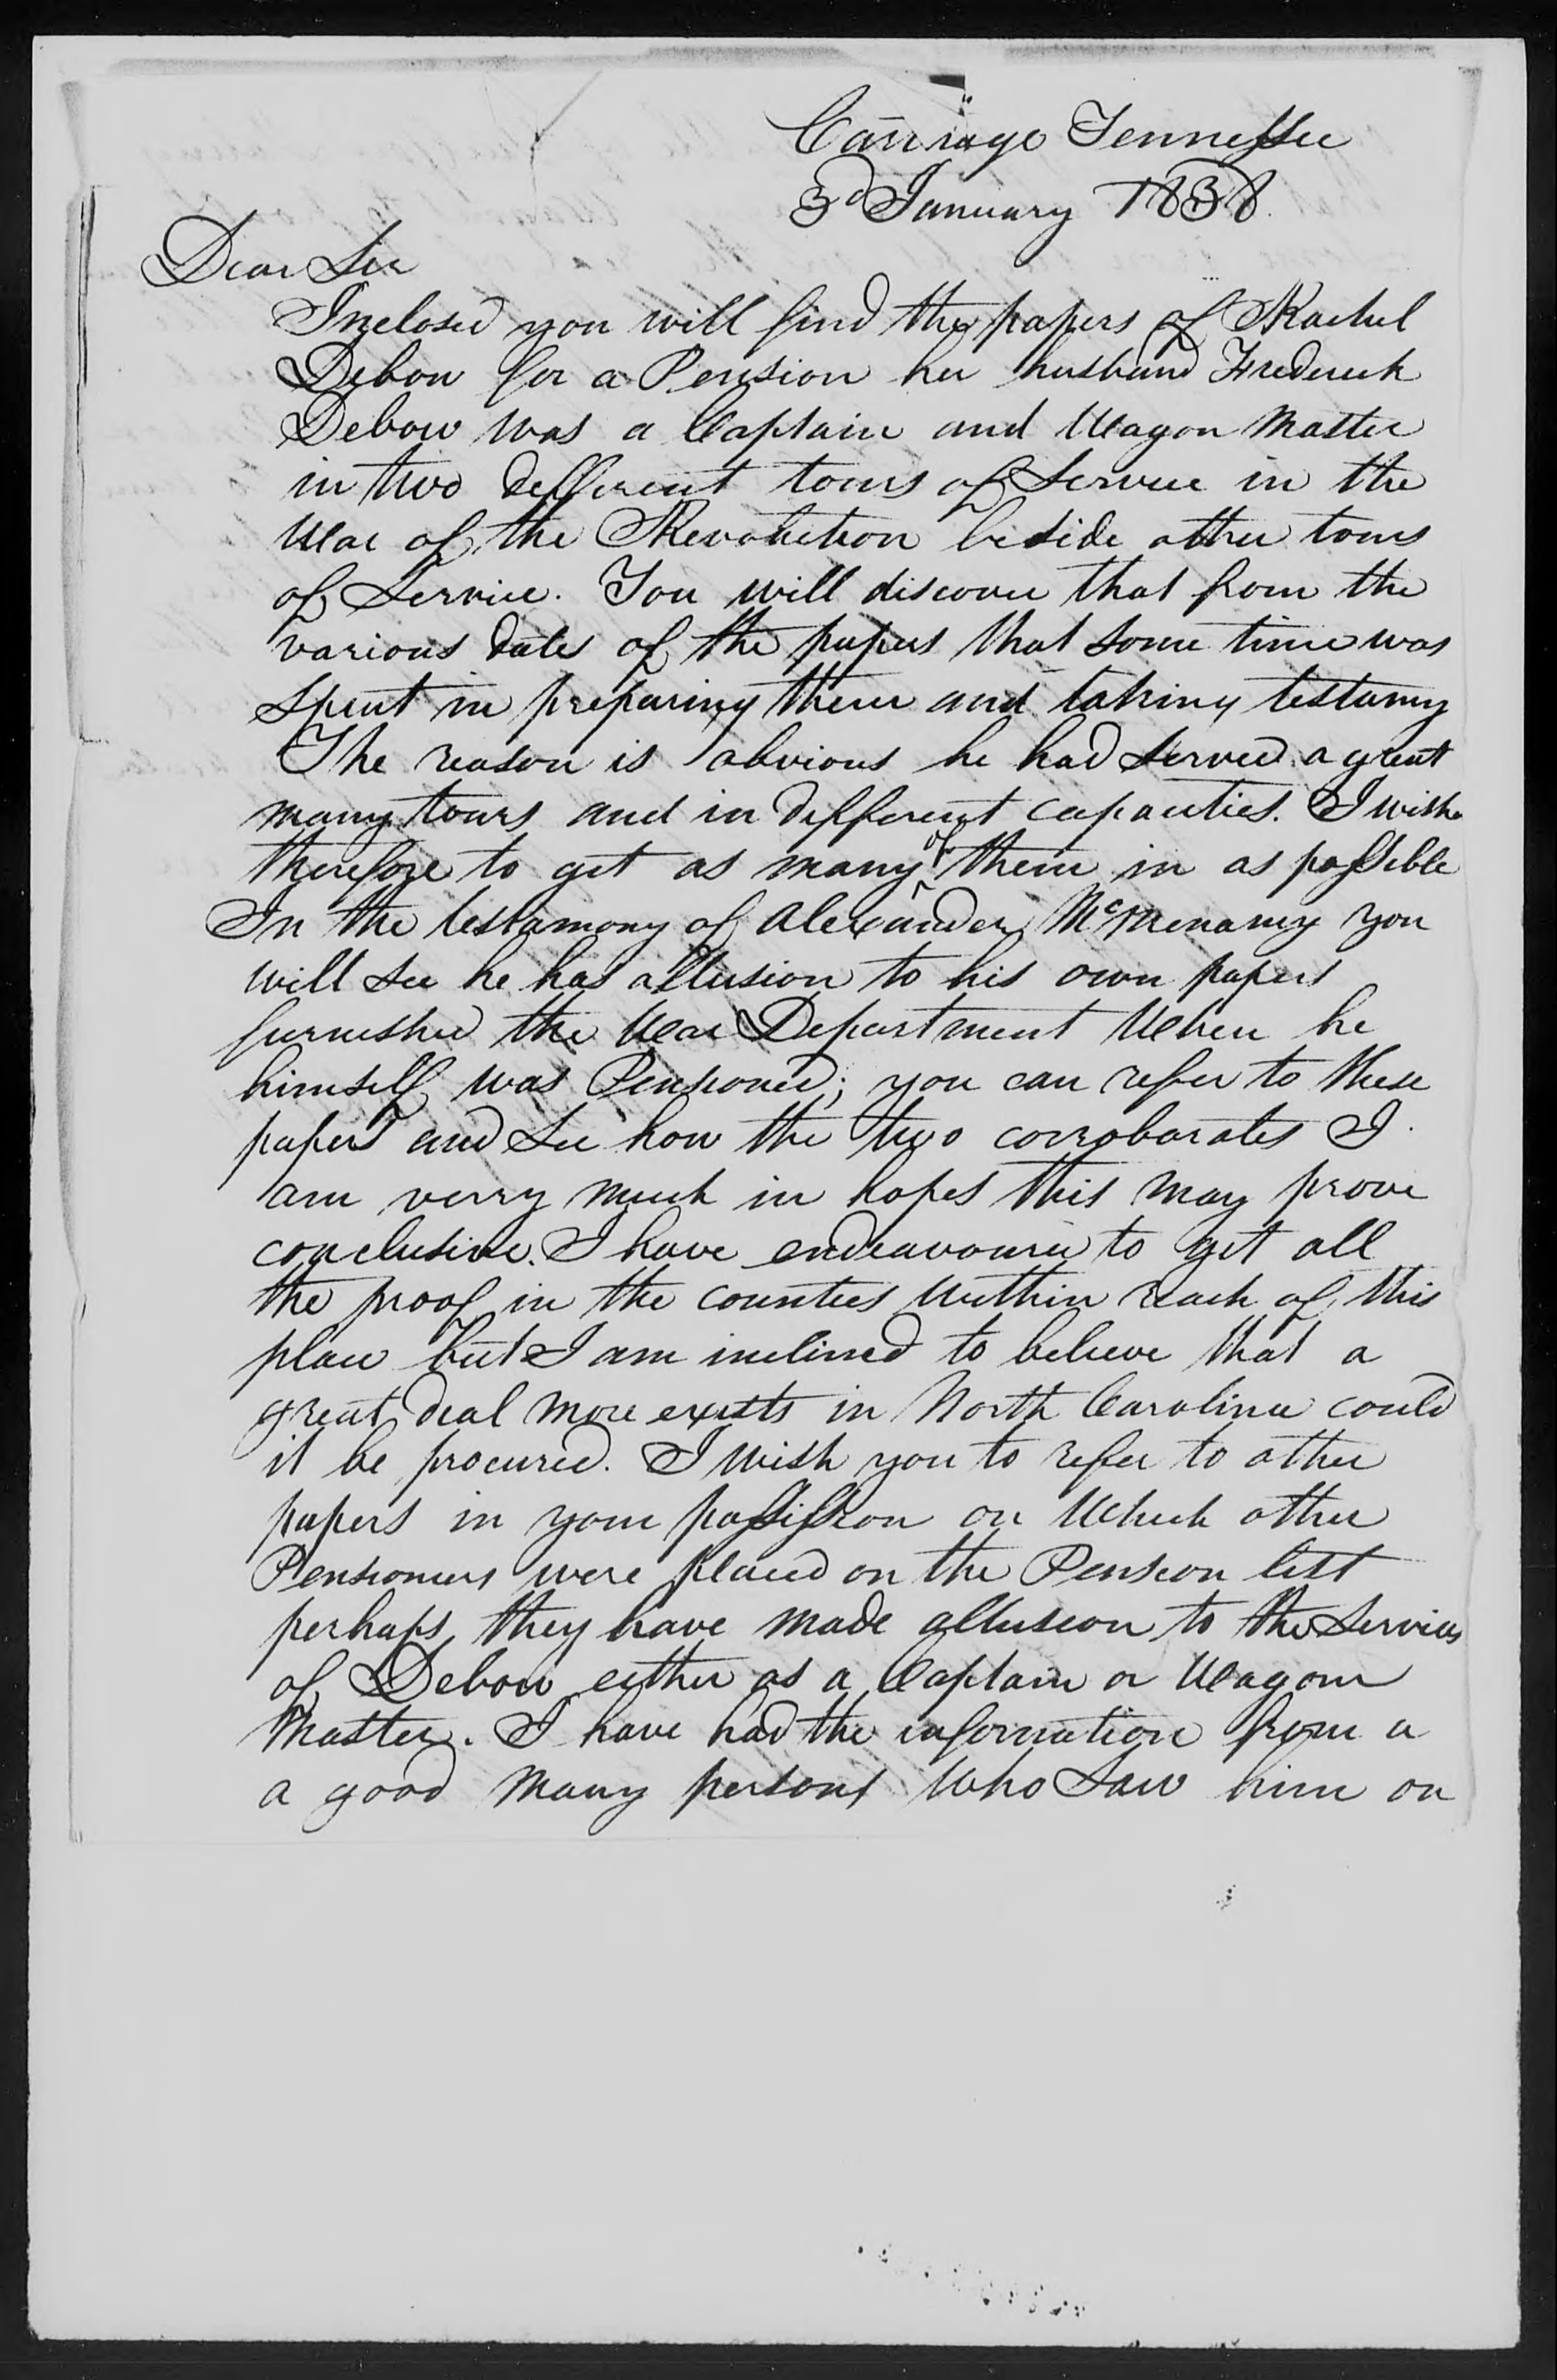Carthage Tennessee
3rd January 1838
Dear Sir
Inclosed you will find the papers of Rachel Debow for a pension her husband Frederick Debow was a Captain and Wagon Master in two different tours of service in the War of the Revolution beside other tours of Service. You will discover that from the various date of the papers that some time was spent in preparing them and taking testimony. The reason is obvious he had served a great many tours and in different capacities. I wish to therefore to get as many of them in as possible.
In the testimony of Alexander McMenamy you will see he has allusion to his own papers furnished the War Department when he himself was pensioned, you can refer to these papers and see how the two corroborates. I am very much in hopes this may prove conclusive. I have endeavored to get all the proof in the counties within each of this place but I am inclined to believe that a great deal more exists in North Carolina could it be procured. I wish you to refer to other papers in your possession on which other Pensioners were placed on the Pension list perhaps they have mad allusion to the services of Debow either as a Captain or Wagon Master. I have had the information from a good many persons who saw him on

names: Rachel Debow, Debow, Alexander Mc Menamy, Frederick Debow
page: 33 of 62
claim: widow's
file: W 7005, Frederick Debow, N.C.